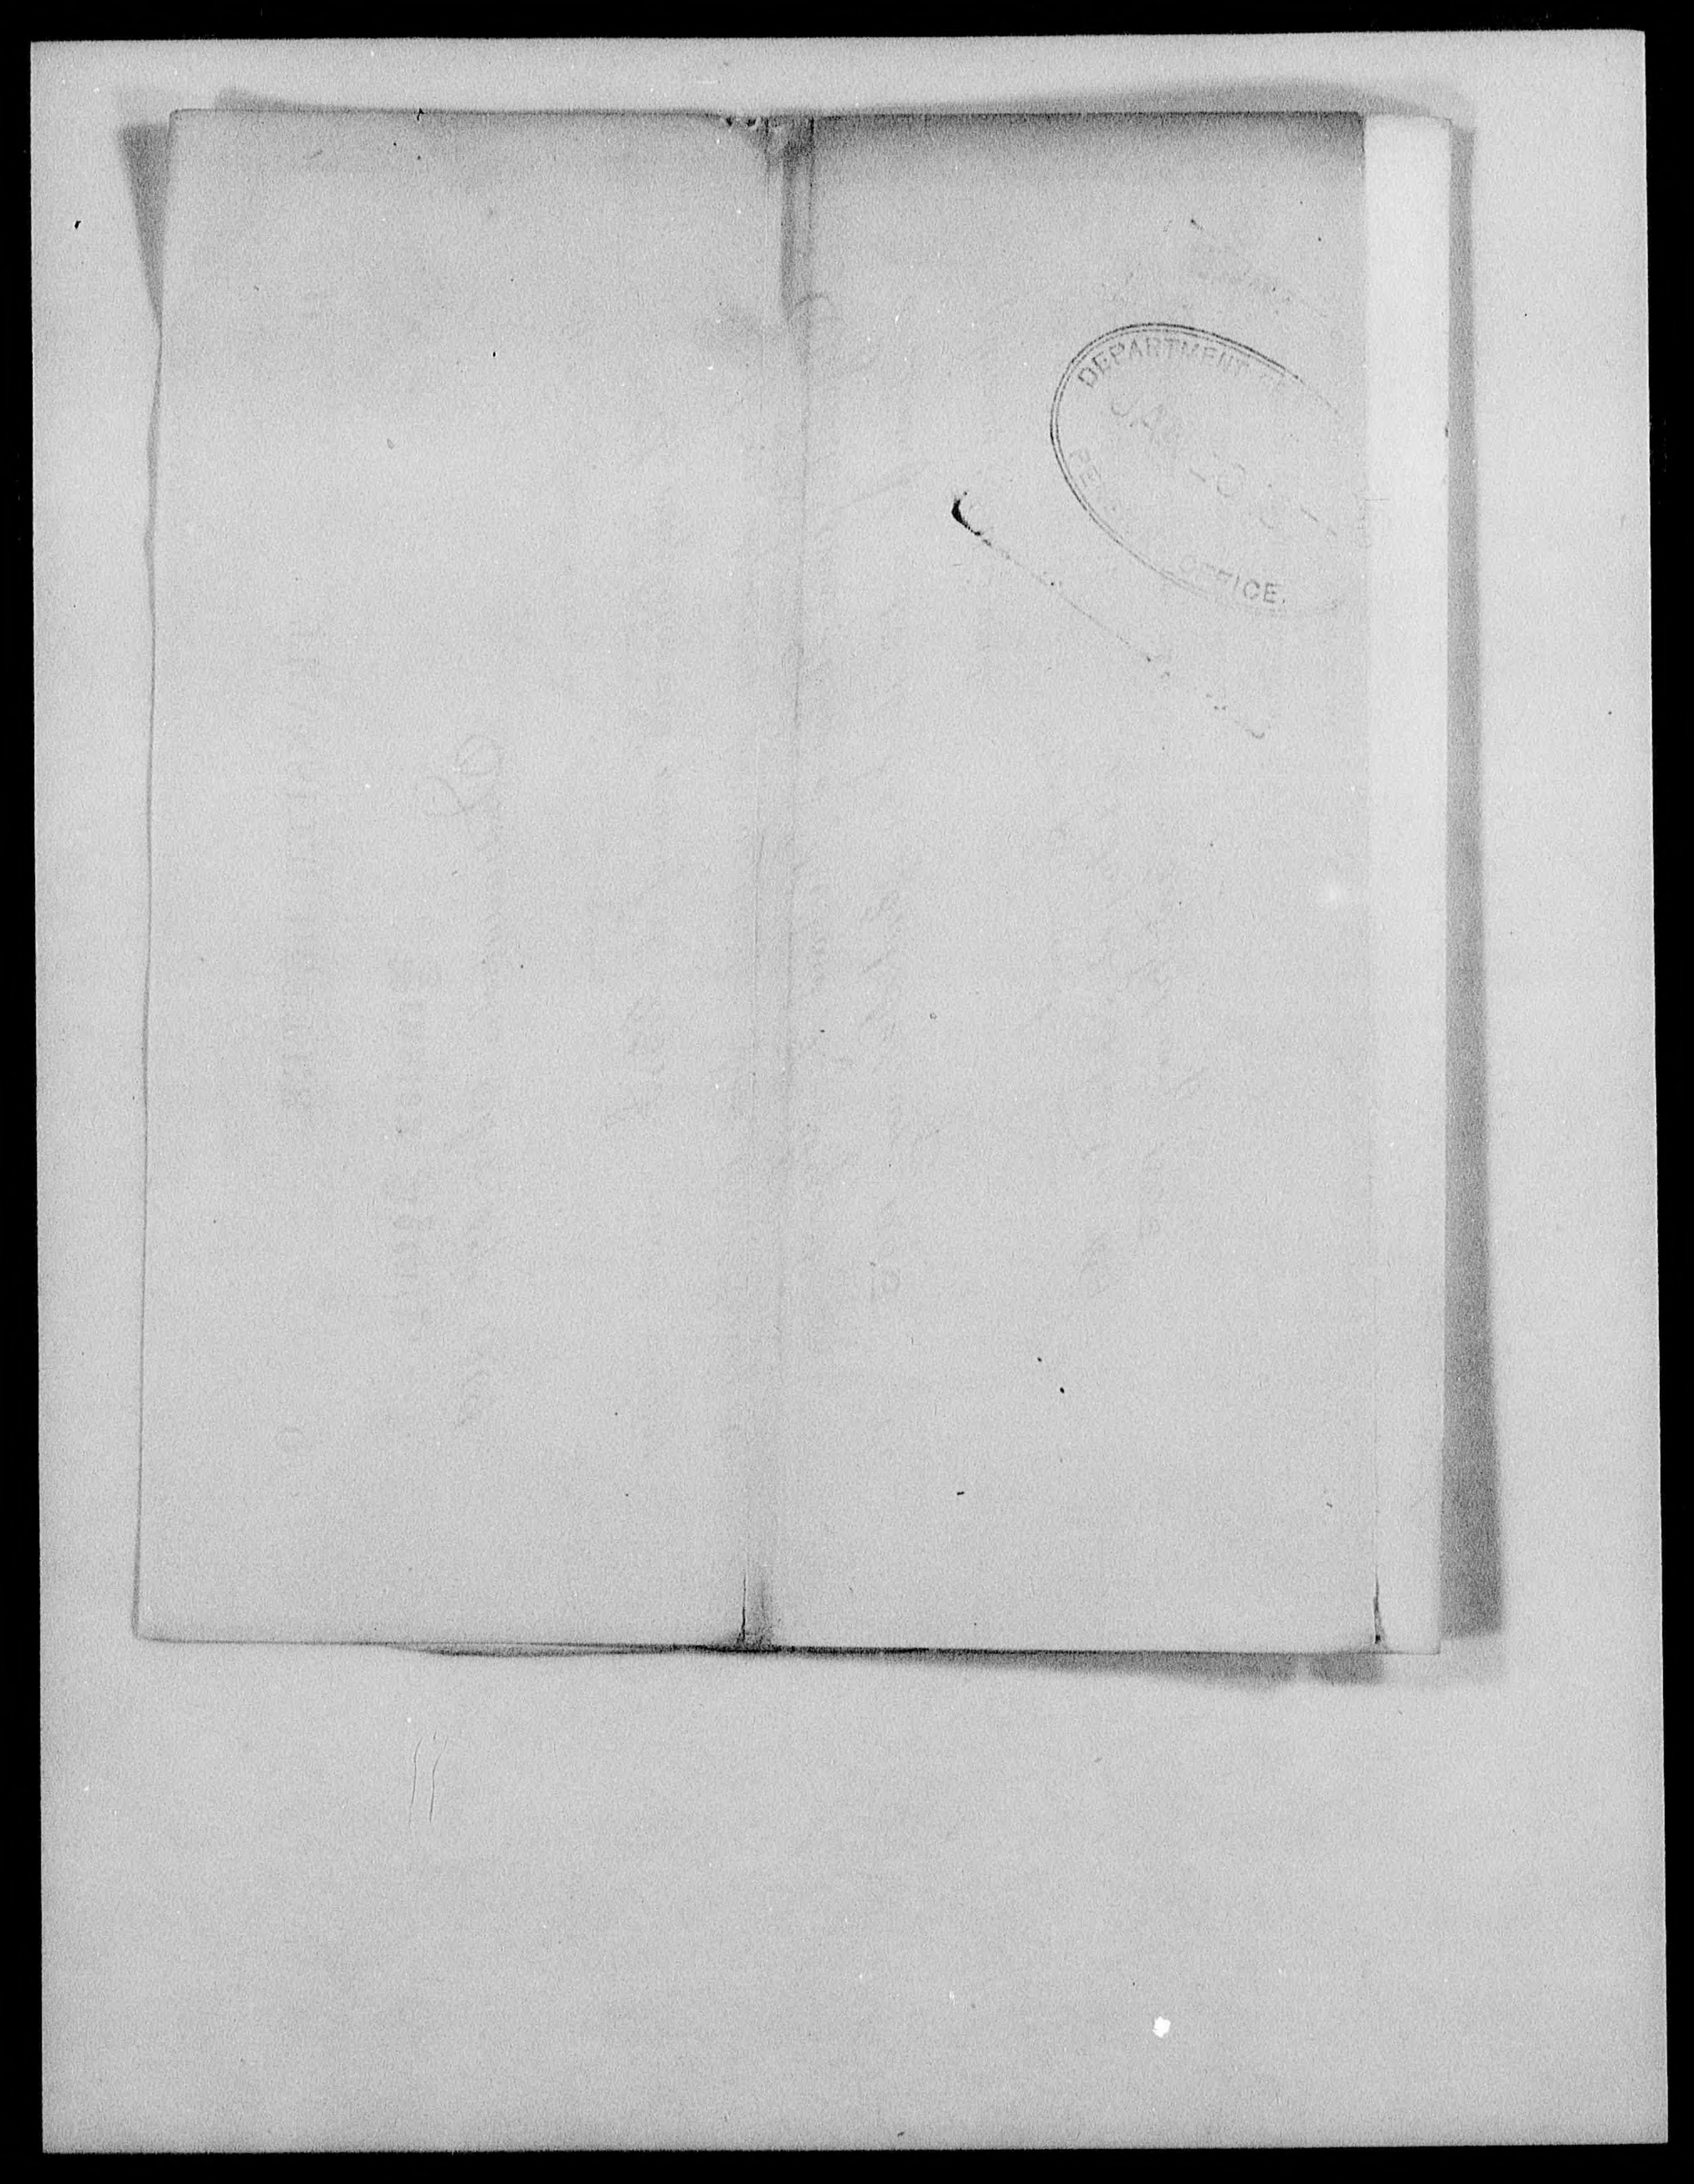[Black oval stamp: DEPARTMENT OF [illegible] PENSION OFFICE JAN 10 18[illegible]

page: 44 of 62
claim: widow's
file: W. 765, for Richard L Jones, Connecticut